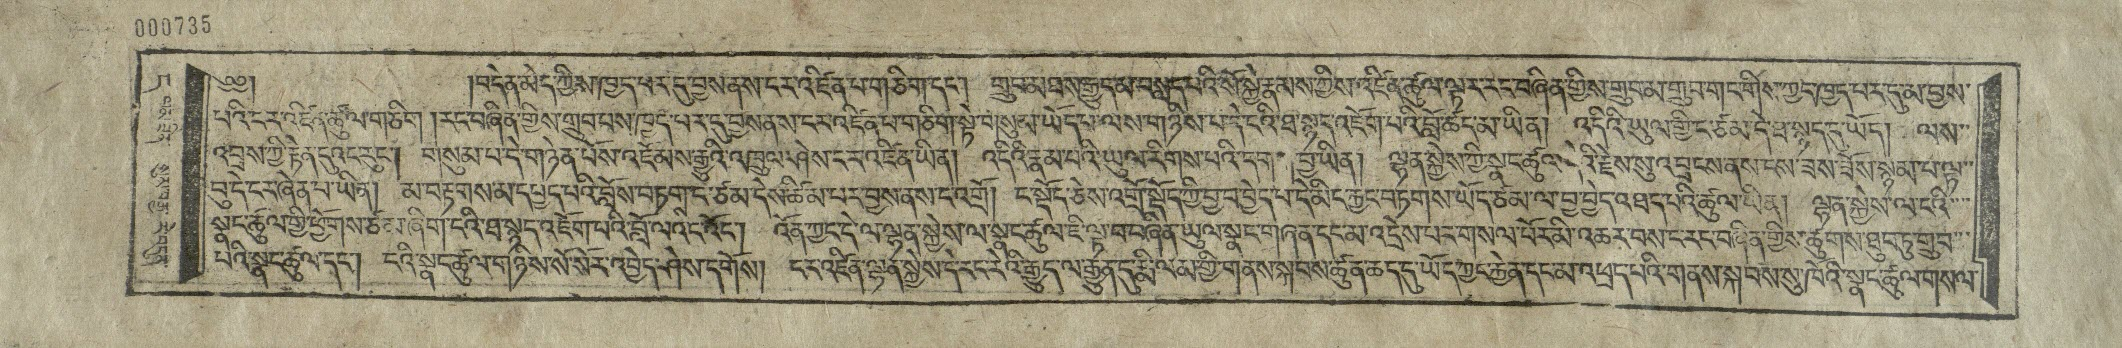༄༅། །བདེན་མེད་ཀྱིས་ཁྱད་པར་དུ་བྱས་ནས་ངར་འཛིན་པ་གཅིག་དང་། གྲུབ་མཐས་རྒྱུད་མ་བསླད་པའི་སོ་སྐྱེ་རྣམས་ཀྱིས་འཛིན་ཚུལ་ལྟར་རང་བཞིན་གྱིས་གྲུབ་མ་གྲུབ་གང་གིས་ཀྱང་ཁྱད་པར་དུ་མ་བྱས་
པའི་ངར་འཛིན་ཚུལ་གཅིག་རང་བཞིན་གྱིས་གྲུབ་པས་ཁྱད་པར་དུ་བྱས་ནས་ངར་འཛིན་པ་གཅིག་སྟེ་གསུམ་ཡོད་པ་ལས་གཉིས་པ་དེ་ངའི་ཐ་སྙད་འཇོག་པའི་བློ་ཚད་མ་ཡིན། འདིའི་ཡུལ་གྱི་ང་ཙམ་དེ་ཐ་སྙད་དུ་ཡོད། ལས་
འབྲས་ཀྱི་རྟེན་དུའང་རུང་། གསུམ་པ་དེ་གཉེན་པོས་འཇོམས་རྒྱུའི་འཁྲུལ་ཤེས་ངར་འཛིན་ཡིན། འདིའི་རྣམ་པའི་ཡུལ་རིགས་པའི་དགག་བྱ་ཡིན། ལྷན་སྐྱེས་ཀྱི་སྣང་ཚུལ་དེའི་རྗེས་སུ་འབྲངས་ནས་ངས་ཟས་ཟོས་སྙམ་པ་ལྟ་
བུ་དེ་ངར་ཞེན་པ་ཡིན། མ་བརྟགས་མ་དཔྱད་པའི་བློས་བརྟགས་དེ་ཙམ་དེས་ཚིམ་པར་བྱས་ནས་ང་འགྲོ། ང་སྡོད་ཅེས་འགྲོ་སྡོད་ཀྱི་བྱ་བ་བྱེད་པ་དེ་མིང་རྐྱང་བཏགས་ཡོད་ཙམ་ལ་བྱ་བྱེད་འཐད་པའི་ཚུལ་ཡིན། ལྷན་སྐྱེས་ལ་ངའི་
སྣང་ཚུལ་གྱི་ཕྱོགས་ཙམ་ཞིག་ངའི་ཐ་སྙད་འཇོག་པའི་བློ་ལའང་འོང་། འོན་ཀྱང་དེ་ལ་ལྷན་སྐྱེས་ལ་སྣང་ཚུལ་ཇི་ལྟ་བ་བཞིན་ཡུལ་སྣང་གཞན་དང་མ་འདྲས་པར་གསལ་པོར་མི་འཆར་བས་ང་རང་བཞིན་གྱིས་ཚུགས་ཐུབ་ཏུ་གྲུབ་
པའི་སྣང་ཚུལ་དང་། ངའི་སྣང་ཚུལ་གཉིས་སོ་སོར་འབྱེད་ཤེས་དགོས། ངར་འཛིན་ལྷན་སྐྱེས་དེ་རང་རེའི་རྒྱུད་ལ་རྒྱུན་དུ་རྨི་ལམ་གྱི་གནས་སྐབས་ཚུན་ཆད་དུ་ཡོད་ཀྱང་རྐྱེན་དང་མ་འཕྲད་པའི་གནས་སྐབས་སུ་ཁོའི་སྣང་ཚུལ་གསལ་